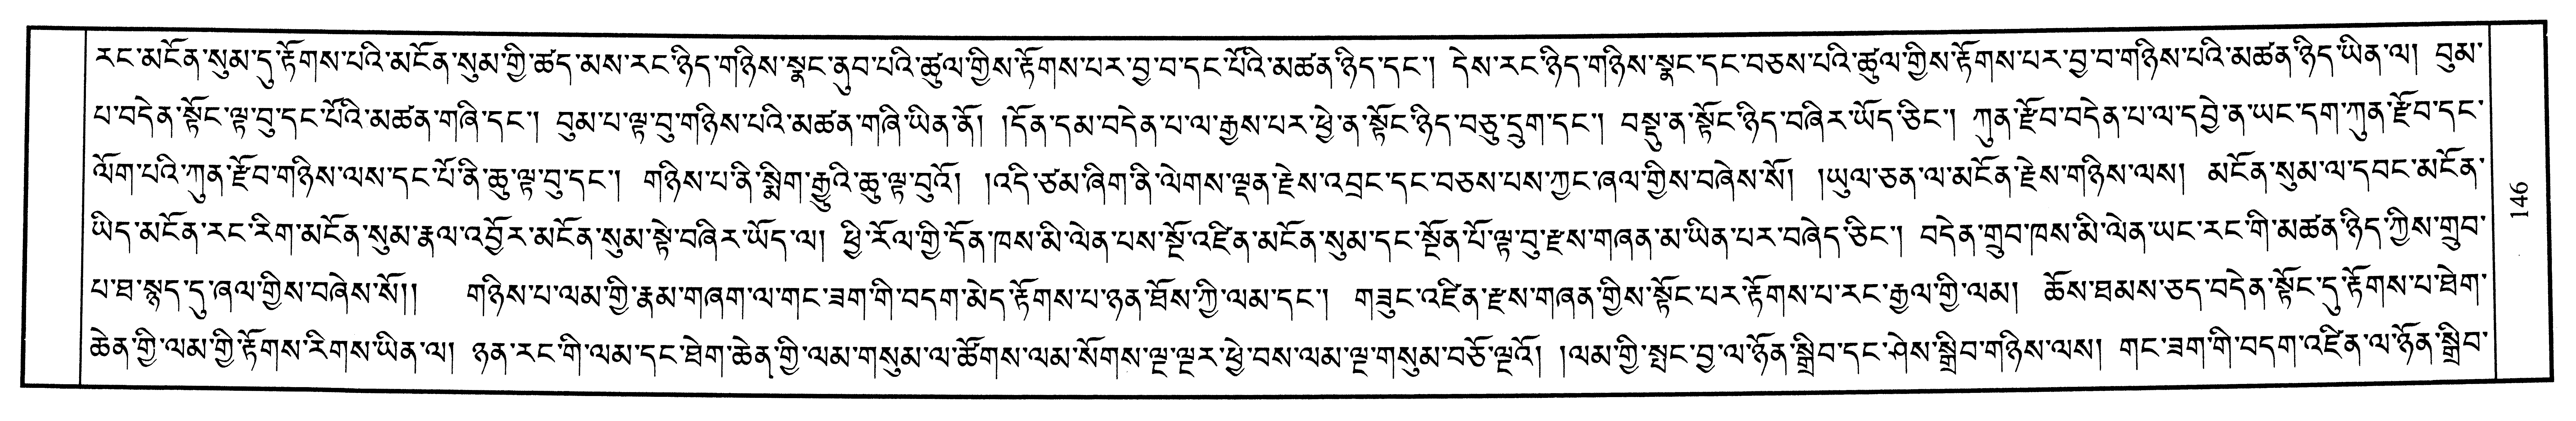རང་མངོན་སུམ་དུ་རྟོགས་པའི་མངོན་སུམ་གྱི་ཚད་མས་རང་ཉིད་གཉིས་སྣང་ནུབ་པའི་ཚུལ་གྱིས་རྟོགས་པར་བྱ་བ་དང་པོའི་མཚན་ཉིད་དང་། དེས་རང་ཉིད་གཉིས་སྣང་དང་བཅས་པའི་ཚུལ་གྱིས་རྟོགས་པར་བྱ་བ་གཉིས་པའི་མཚན་ཉིད་ཡིན་ལ། བུམ་
པ་བདེན་སྟོང་ལྟ་བུ་དང་པོའི་མཚན་གཞི་དང་། བུམ་པ་ལྟ་བུ་གཉིས་པའི་མཚན་གཞི་ཡིན་ནོ། །དོན་དམ་བདེན་པ་ལ་རྒྱས་པར་ཕྱེ་ན་སྟོང་ཉིད་བཅུ་དྲུག་དང་། བསྡུ་ན་སྟོང་ཉིད་བཞིར་ཡོད་ཅིང་། ཀུན་རྫོབ་བདེན་པ་ལ་དབྱེ་ན་ཡང་དག་ཀུན་རྫོབ་དང་
ལོག་པའི་ཀུན་རྫོབ་གཉིས་ལས་དང་པོ་ནི་ཆུ་ལྟ་བུ་དང་། གཉིས་པ་ནི་སྨིག་རྒྱུའི་ཆུ་ལྟ་བུའོ། །འདི་ཙམ་ཞིག་ནི་ལེགས་ལྡན་རྗེས་འབྲང་དང་བཅས་པས་ཀྱང་ཞལ་གྱིས་བཞེས་སོ། །ཡུལ་ཅན་ལ་མངོན་རྗེས་གཉིས་ལས། མངོན་སུམ་ལ་དབང་མངོན་
ཡིད་མངོན་རང་རིག་མངོན་སུམ་རྣལ་འབྱོར་མངོན་སུམ་སྟེ་བཞིར་ཡོད་ལ། ཕྱི་རོལ་གྱི་དོན་ཁས་མི་ལེན་པས་སྔོ་འཛིན་མངོན་སུམ་དང་སྔོན་པོ་ལྟ་བུ་རྫས་གཞན་མ་ཡིན་པར་བཞེད་ཅིང་། བདེན་གྲུབ་ཁས་མི་ལེན་ཡང་རང་གི་མཚན་ཉིད་ཀྱིས་གྲུབ་
པ་ཐ་སྙད་དུ་ཞལ་གྱིས་བཞེས་སོ།། གཉིས་པ་ལམ་གྱི་རྣམ་གཞག་ལ་གང་ཟག་གི་བདག་མེད་རྟོགས་པ་ཉན་ཐོས་ཀྱི་ལམ་དང་། གཟུང་འཛིན་རྫས་གཞན་གྱིས་སྟོང་པར་རྟོགས་པ་རང་རྒྱལ་གྱི་ལམ། ཆོས་ཐམས་ཅད་བདེན་སྟོང་དུ་རྟོགས་པ་ཐེག་
ཆེན་གྱི་ལམ་གྱི་རྟོགས་རིགས་ཡིན་ལ། ཉན་རང་གི་ལམ་དང་ཐེག་ཆེན་གྱི་ལམ་གསུམ་ལ་ཚོགས་ལམ་སོགས་ལྔ་ལྔར་ཕྱེ་བས་ལམ་ལྔ་གསུམ་བཅོ་ལྔའོ། །ལམ་གྱི་སྤང་བྱ་ལ་ཉོན་སྒྲིབ་དང་ཤེས་སྒྲིབ་གཉིས་ལས། གང་ཟག་གི་བདག་འཛིན་ལ་ཉོན་སྒྲིབ་